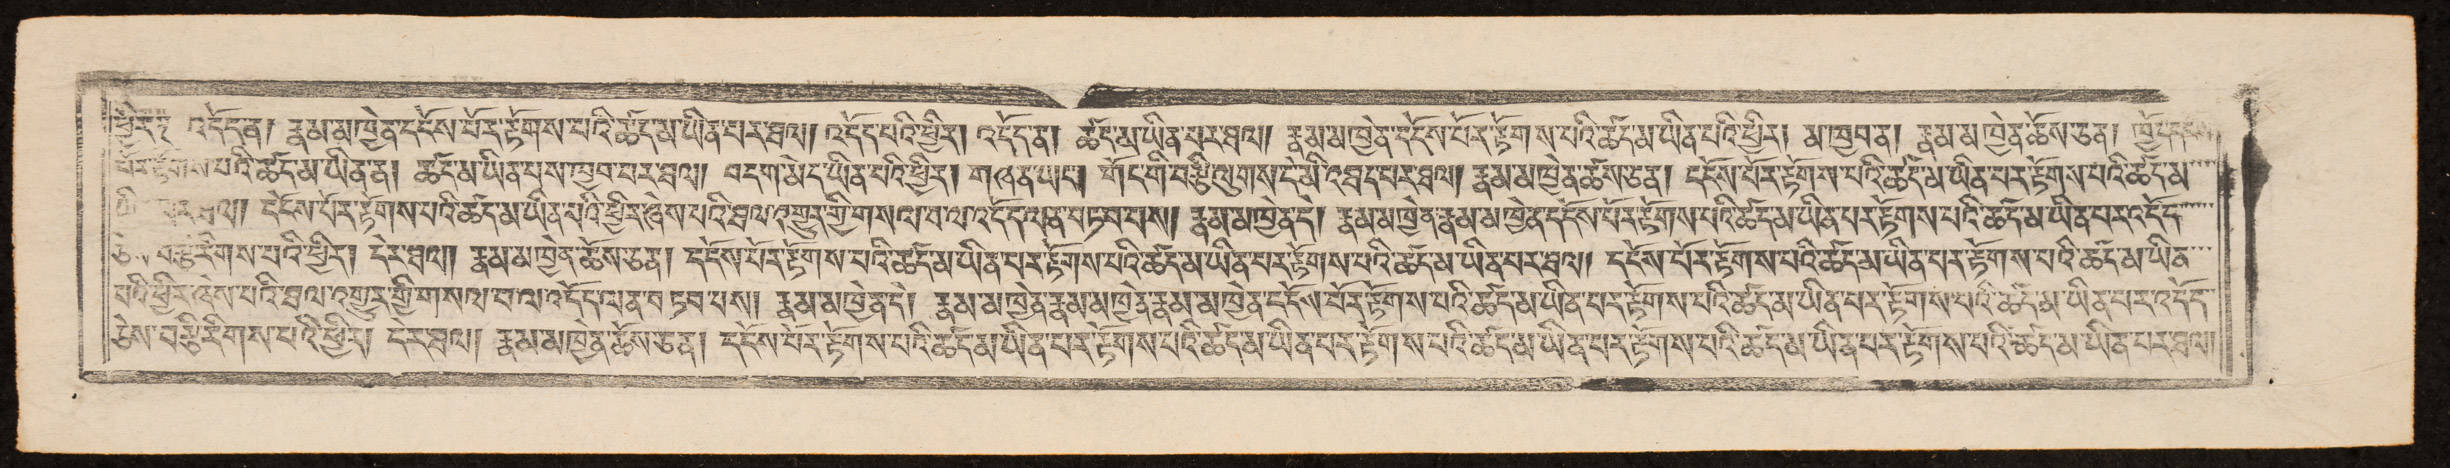ཕྱིར། འདོད་ན། རྣམ་མཁྱེན་དངོས་པོར་རྟོགས་པའི་ཚད་མ་ཡིན་པར་ཐལ། འདོད་པའི་ཕྱིར། འདོད་ན། ཚད་མ་ཡིན་པར་ཐལ། རྣམ་མཁྱེན་དངོས་པོར་རྟོགས་པའི་ཚད་མ་ཡིན་པའི་ཕྱིར། མ་ཁྱབ་ན། རྣམ་མཁྱེན་ཆོས་ཅན། ཁྱོད་དངོས་
པོར་རྟོགས་པའི་ཚད་མ་ཡིན་ན། ཚད་མ་ཡིན་པས་ཁྱབ་པར་ཐལ། བདག་མེད་ཡིན་པའི་ཕྱིར། གཞན་ཡང་། གོང་གི་བརྩི་ལུགས་དེ་མི་འཐད་པར་ཐལ། རྣམ་མཁྱེན་ཆོས་ཅན། དངོས་པོར་རྟོགས་པའི་ཚད་མ་ཡིན་པར་རྟོགས་པའི་ཚད་མ་
ཡིན་པར་ཐལ། དངོས་པོར་རྟོགས་པའི་ཚད་མ་ཡིན་པའི་ཕྱིར་ཞེས་པའི་ཐལ་འགྱུར་གྱི་གསལ་བ་ལ་འདོད་ལན་བཏབ་པས། རྣམ་མཁྱེན་དེ། རྣམ་མཁྱེན་རྣམ་མཁྱེན་དངོས་པོར་རྟོགས་པའི་ཚད་མ་ཡིན་པར་རྟོགས་པའི་ཚད་མ་ཡིན་པར་འདོད་
ཅེས་བརྩི་རིགས་པའི་ཕྱིར། དེར་ཐལ། རྣམ་མཁྱེན་ཆོས་ཅན། དངོས་པོར་རྟོགས་པའི་ཚད་མ་ཡིན་པར་རྟོགས་པའི་ཚད་མ་ཡིན་པར་རྟོགས་པའི་ཚད་མ་ཡིན་པར་ཐལ། དངོས་པོར་རྟོགས་པའི་ཚད་མ་ཡིན་པར་རྟོགས་པའི་ཚད་མ་ཡིན་
པའི་ཕྱིར་ཞེས་པའི་ཐལ་འགྱུར་གྱི་གསལ་བ་ལ་འདོད་ལན་བཏབ་པས། །རྣམ་མཁྱེན་དེ། རྣམ་མཁྱེན་རྣམ་མཁྱེན་རྣམ་མཁྱེན་དངོས་པོར་རྟོགས་པའི་ཚད་མ་ཡིན་པར་རྟོགས་པའི་ཚད་མ་ཡིན་པར་རྟོགས་པའི་ཚད་མ་ཡིན་པར་འདོད་
ཅེས་བརྩི་རིགས་པའིཕྱིར། དེར་ཐལ། རྣམ་མཁྱེན་ཆོས་ཅན། དངོས་པོར་རྟོགས་པའི་ཚད་མ་ཡིན་པར་རྟོགས་པའི་ཚད་མ་ཡིན་པར་རྟོགས་པའི་ཚད་མ་ཡིན་པར་རྟོགས་པའི་ཚད་མ་ཡིན་པར་རྟོགས་པའི་ཚད་མ་ཡིན་པར་ཐལ་